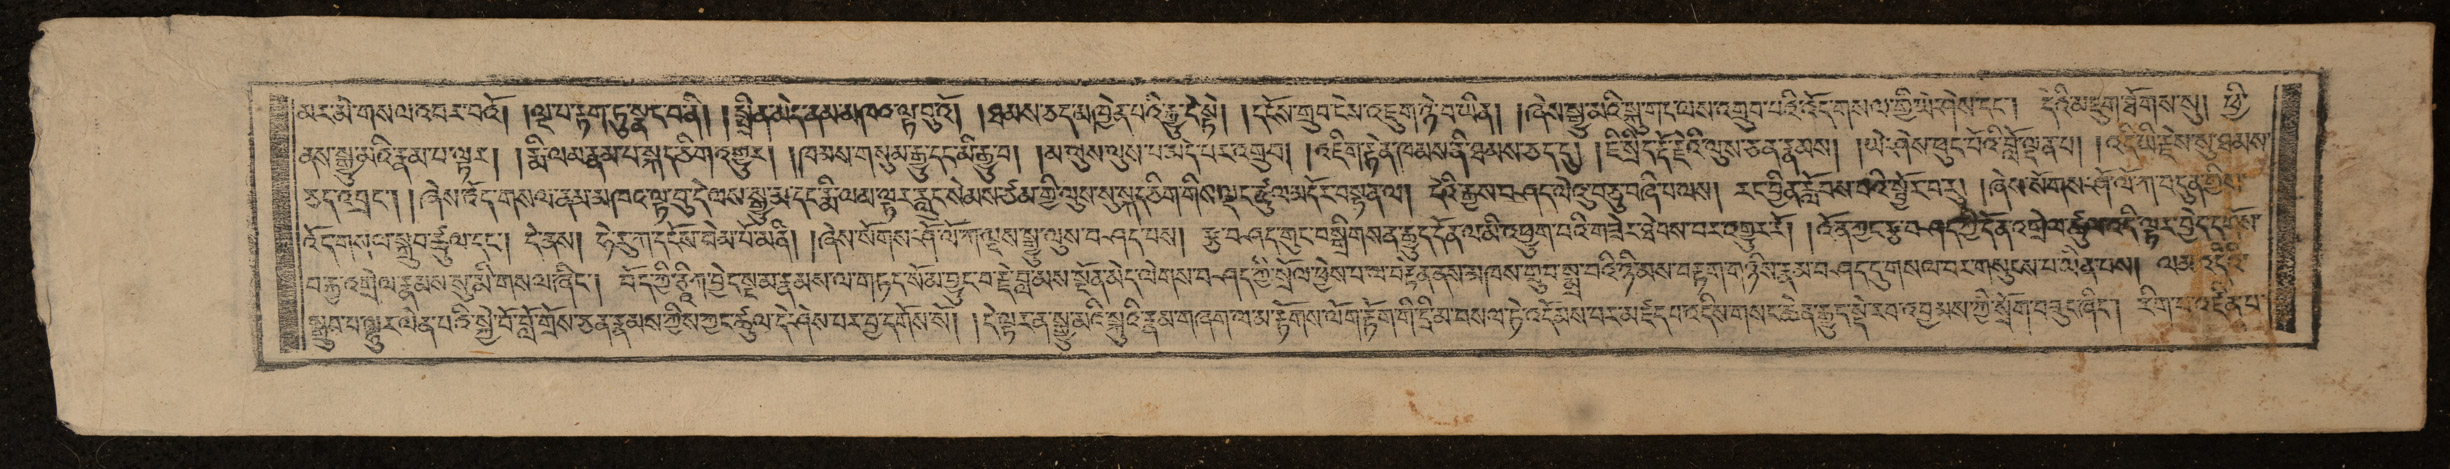མར་མེ་གསལ་འབར་བའོ། །ལྔ་པ་རྟག་ཏུ་སྣང་བ་ནི། །སྤྲིན་མེད་ནམ་མཁའ་ལྟ་བུའོ། །ཐམས་ཅད་མཁྱེན་པའི་རྒྱུ་དེ་སྟེ། །དངོས་གྲུབ་ངེས་འཇུག་ཉེ་བ་ཡིན། །ཞེས་སྒྱུ་མའི་སྐུ་གང་ལས་འགྲུབ་པའི་འོད་གསལ་གྱི་ཡེ་ཤེས་དང་། དེའི་མཇུག་ཐོགས་སུ། ཕྱི་
ནས་སྒྱུ་མའི་རྣམ་པ་ལྟར། །རྨི་ལམ་རྣམ་བ་སྐད་ཅིག་འགྱུར། །ཁམས་གསུམ་རྒྱུ་དང་མི་རྒྱུ་བ། །མ་ལུས་ལུས་པ་མེད་པར་འགྲུབ། །འཇིག་རྟེན་ཁམས་ནི་ཐམས་ཅད་དུ། །ཇི་སྲིད་རྡོ་རྗེའི་ལུས་ཅན་རྣམས། །ཡེ་ཤེས་ཕུང་པོའི་བློ་ལྡན་པ། །འདི་ཡི་རྗེས་སུ་ཐམས་
ཅད་འབྲང་། །ཞེས་འོད་གསལ་ནམ་མཁའ་ལྟ་བུ་དེ་ལས་སྒྱུ་མ་དང་རྨི་ལམ་ལྟར་རླུང་སེམས་ཙམ་གྱི་ལུས་སུ་སྐད་ཅིག་གིས་ལྡང་ཚུལ་མདོར་བསྟན་ལ། དེའི་རྒྱས་བཤད་ལེའུ་བཅུ་བཞི་པ་ལས། རང་བྱིན་རློབས་པའི་སྦྱོར་བ་རུ། །ཞེས་སོགས་ཤོ་ལོ་ཀ་བདུན་གྱིས་
འོད་གསལ་སྒྲུབ་ཚུལ་དང་། དེ་ནས། ཧེ་རུ་ཀ་དངོས་བེམ་པོ་མིན། །ཞེས་སོགས་ཤོ་ལོ་ཀ་ལྔས་སྒྱུ་ལུས་བཤད་པས། རྩ་བཤད་གུང་བསྒྲིགས་ན་རྒྱུད་དོན་ལ་མི་འཕྱུག་བའི་གཟེར་ཐེབས་པར་འགྱུར་རོ། །འོན་ཀྱང་རྩ་བཤད་ཀྱི་དོན་འགེལ་ཚུལ་འདི་ལྟད་བྱེད་དགོས་
པ་རྒྱ་འགྲེལ་རྣམས་སུ་མི་གསལ་ཞིང་། བོད་ཀྱི་ཊཱིཀ་བྱེད་སྔ་མ་རྣམས་ལ་གཏད་སོམ་བྱུང་བ་རྗེ་བླ་མས་སྔོན་མེད་ལེགས་བཤད་ཀྱི་སྲོལ་ཕྱེས་པ་ལ་བརྟེན་ནས་མཁས་གྲུབ་སྨྲ་བའི་ཉི་མས་བརྟག་གཉིས་རྣམ་བཤད་དུ་གསལ་བར་གསུངས་པ་ཡིན་པས། ལམ་འདིའི་
སྒྲུབ་པ་ལྷུར་ལེན་པའི་སྐྱེ་བོ་བློ་གྲོས་ཅན་རྣམས་ཀྱིས་ཀྱང་ཚུལ་དེ་ཤེས་བར་བྱ་དགོས་སོ། །དེ་ལྟར་ན་སྒྱུ་མའི་སྐུའི་རྣམ་གཞག་ལམ་རྟོགས་ལོག་རྟོག་གི་དྲི་མ་བསལ་ཏེ་འདོམས་པར་མཛད་བ་འདིས་གསང་ཆེན་རྒྱུད་སྡེར་བ་འབྱམས་ཀྱི་སྲོག་བཟུང་ཞིང་། རིག་པ་འཛིན་པ་